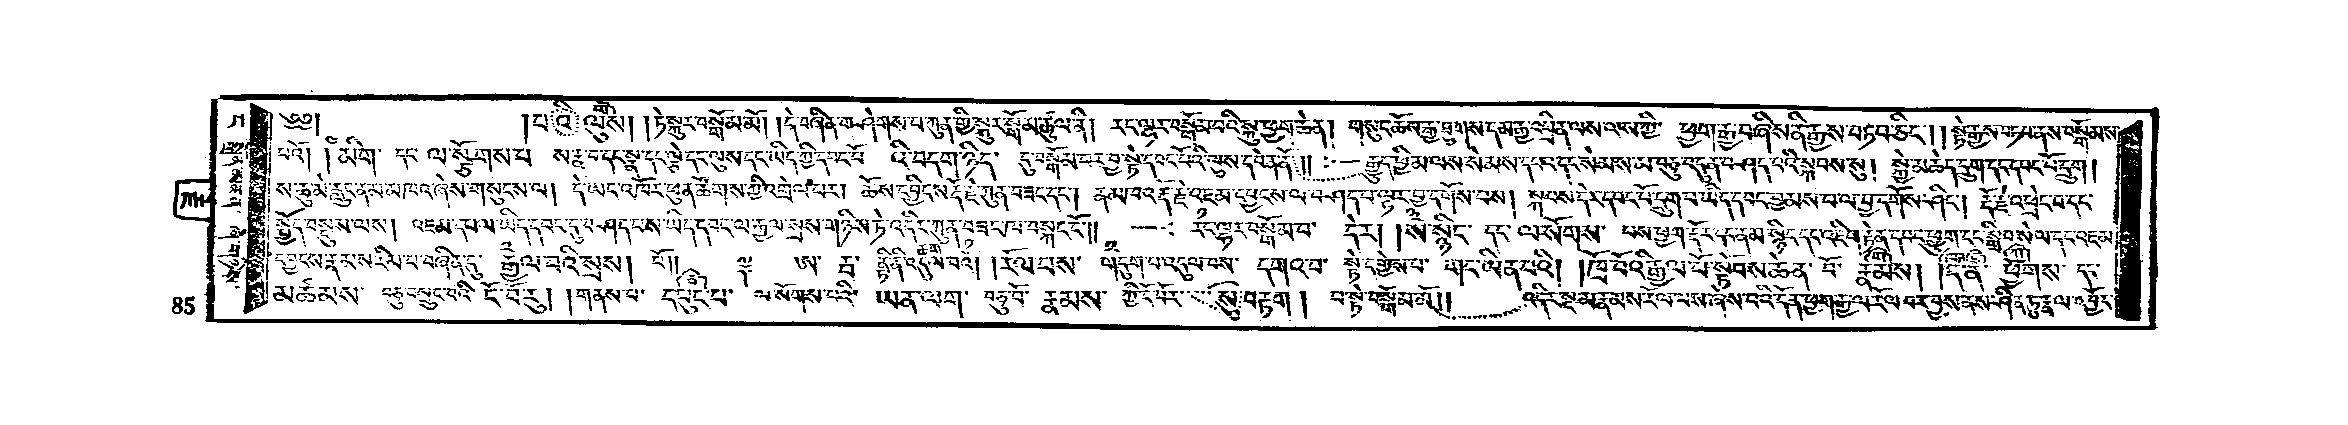༄༅། །པའི་ག྄་ལུས། ། ཏེ་སྐུར་བསྒོམ་མོ། །དེ་བཞིན་གཤེགས་པ་ཀུན་གྱི་སྐུར་སྒོམ་ཚུལ་ནི། རང་ལྷར་བསྒོམ་པའི་སྐུ་ཕྱག་ཆེན། གསུང་ཆོས་རྒྱ་ཐུགས་དམ་རྒྱ་འཕྲིན་ལས་ལས་ཀྱི་ཕྱག་རྒྱ་བཞིས་ནི་རྒྱས་བཏབ་ཅིང་། །སྟེ་རྒྱས་བཏབ་ནས་བསྒོམས་
པའོ། །མིག་དང་ལ་སྩོགས་པས་རྣ་བ་དང་སྣ་དང་ལྕེ་དང་ལུས་དང་ཡིད་ཀྱི་དབང་པོའི་བདག་ཉིད་དུ་བསྒོམ་པར་བྱ་སྟེ་དབང་པོའི་ལུས་དབེན་ནོ།།H.་རྒྱུད་ཕྱི་མ་ལས་སེམས་དཔའ་དང་སེམས་མ་བཅུ་བདུན་བཤད་པའི་སྐབས་སུ། སྐྱེ་མཆེད་དྲུག་དང་དབང་པོ་དྲུག །
ས་ཆུ་མེ་རླུང་ནམ་མཁའ་ཞེས་གསུངས་ལ། དེ་ཡང་འཁོར་ཕུན་ཚོགས་ཀྱི་འགྲེལ་པར། ཆོས་དབྱིངས་རྡོ་རྗེ་ཀུན་བཟང་དང་། ནམ་མཁའ་རྡོ་རྗེ་འཇམ་དབྱངས་ལ་བཤད་པ་ལྟར་བྱ་དགོས་པས། སྐབས་དེར་དབང་པོ་དྲུག་པ་ཡིད་དབང་བྱམས་པ་ལ་བྱ་དགོས་ཤིང་། རྡོ་རྗེ་འཕྲེང་བ་དང་
སྤྱོད་བསྡུས་ལས། འཇམ་དཔལ་ཡིད་དབང་དུ་བཤད་པས་ཡིད་དབང་ལ་རྒྱལ་སྲས་གཉིས་ཏེ་འདིར་ཀུན་བཟང་ཁ་བསྐང་ངོ།། .H༡་རང་ལྷར་བསྒོམ་པ་དེར། །༣་ས་སྙིང་དང་ལ་སོགས་པས་ཕྱག་རྡོར་དང་ནམ་སྙིང་དང་འཇིག་རྟེན་དབང་ཕྱུག་དང་སྒྲིབ་སེལ་དང་འཇམ་
དབྱངས་རྣམས་རིམ་པ་བཞིན་དུ ༢་རྒྱལ་བའི་སྲས། པོ།། ༈ ཨ་རྦ་ནྟི་ནི་ཆག་འདུལ ༡་བའོ།  །རོལ་པས་༢་གདུག་པ་འདུལ་བས་དགའ་བ་སྟེ་དགྱེས་པ་གང་ཡིན་པའི། །ཁྲོ་བོའི་རྒྱལ་པོ་སྟོབས་ཆེན་པོ་?ག྄་རྣམས། །?ང྄་དེ་ནི་ཕྱོགས་དང
མཚམས་བཅུ་བསྲུང་བའི་ངོ་བོ་རུ། ། གནས་པ་?ཅ྄་དཔུང་པ་ལ་སོགས་པའི་ཡན་ལག་བཅུ་པོ་རྣམས་ཀྱི་ངོ་བོར་སུ་བརྟག །པ་སྟེ་བསྒོམ་མོ།། འདིར་སྔ་མ་རྣམས་རོལ་པས་ཞེས་པའི་དོན་ཕྱག་རྒྱ་ལ་རོལ་པར་བྱས་ནས་ཤིན་ཏུ་རྣལ་འབྱོར་